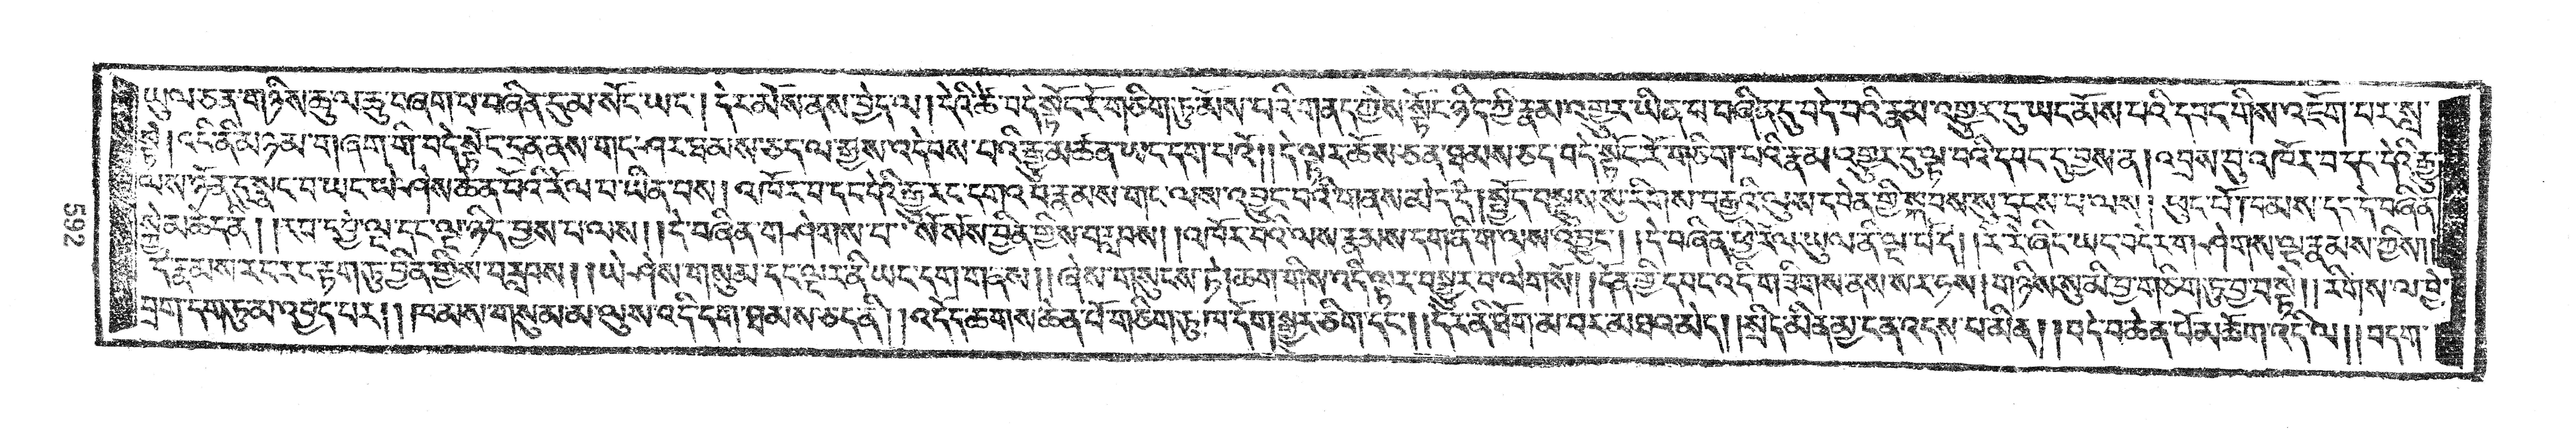ཡུལ་ཅན་གཉིས་ཆུ་ལ་ཆུ་བཞག་པ་བཞིན་དུ་མ་སོང་ཡང་། དེར་མོས་ནས་བྱེད་ལ། དེའི་ཚེ་བདེ་སྟོང་རོ་གཅིག་ཏུ་མོས་པའི་གནད་ཀྱིས་སྟོང་ཉིད་ཀྱི་རྣམ་འགྱུར་ཡིན་པ་བཞིན་དུ་བདེ་བའི་རྣམ་འགྱུར་དུ་ཡང་མོས་པའི་དབང་གིས་འཇོག་པར་སླ་
སྟེ། འདི་ནི་མཉམ་གཞག་གི་བདེ་སྟོང་དྲན་ནས་གང་ཤར་ཐམས་ཅད་ལ་རྒྱས་འདེབས་པའི་རྒྱུ་མཚན་ཡང་དག་པའོ། །དེ་ལྟར་ཆོས་ཅན་ཐམས་ཅད་བདེ་སྟོང་རོ་གཅིག་པའི་རྣམ་འགྱུར་དུ་ལྟ་བའི་དབང་དུ་བྱས་ན། འབྲས་བུ་འཁོར་བ་དང་དེའི་རྒྱུ་
ལས་ཉོན་དུ་སྣང་བ་ཡང་ཡེ་ཤེས་ཆེན་པོའི་རོལ་པ་ཡིན་པས། འཁོར་བ་དང་དེའི་རྒྱུ་རང་དགའ་བ་རྣམས་གང་ལས་འབྱུང་བའི་གནས་མེད་དེ། སྤྱོད་བསྡུས་སུ་རིགས་བརྒྱའི་ལུས་དབེན་གྱི་སྐབས་སུ་དྲངས་པ་ལས། ཕུང་པོ་ཁམས་དང་དེ་བཞིན་
སྐྱེ་མཆེད་ནི། །རབ་དབྱེ་ལྔ་དང་ལྔ་ཉིད་བྱས་པ་ལས། །དེ་བཞིན་གཤེགས་པ་སོ་སོས་བྱིན་གྱིས་བརླབས། །འཁོར་བའི་ལས་རྣམས་དག་ནི་ག་ལས་འབྱུང་། །དེ་བཞིན་ཕྱི་རོལ་ཡུལ་ནི་ལྔ་པོ་དེ། །རེ་རེ་ཞིང་ཡང་བདེར་གཤེགས་ལྔ་རྣམས་ཀྱིས། །
དེ་རྣམས་རང་རང་རྟག་ཏུ་བྱིན་གྱིས་བརླབས། །ཡེ་ཤེས་གསུམ་དང་ལྔར་ནི་ཡང་དག་གནས། །ཞེས་གསུངས་ཏེ། ཆག་གིས་འདི་ལྟར་བསྒྱུར་བ་ལེགས་སོ། །དོན་གྱི་དབང་འདི་གཟིགས་ནས་ས་ར་ཧས། གཉིས་སུ་མི་བྱ་གཅིག་ཏུ་བྱ་བ་སྟེ། །རིགས་ལ་བྱེ་
བྲག་དག་ཏུ་མ་འབྱད་པར། །ཁམས་གསུམ་མ་ལུས་འདི་དག་ཐམས་ཅད་ནི། །འདོད་ཆགས་ཆེན་པོ་གཅིག་ཏུ་ཁ་དོག་སྒྱུར་ཅིག་དང་། །དེར་ནི་ཐོག་མ་བར་མཐའ་མེད། །སྲིད་མིན་མྱ་ངན་འདས་པ་མིན། །བདེ་བ་ཆེན་པོ་མཆོག་འདི་ལ། །བདག་